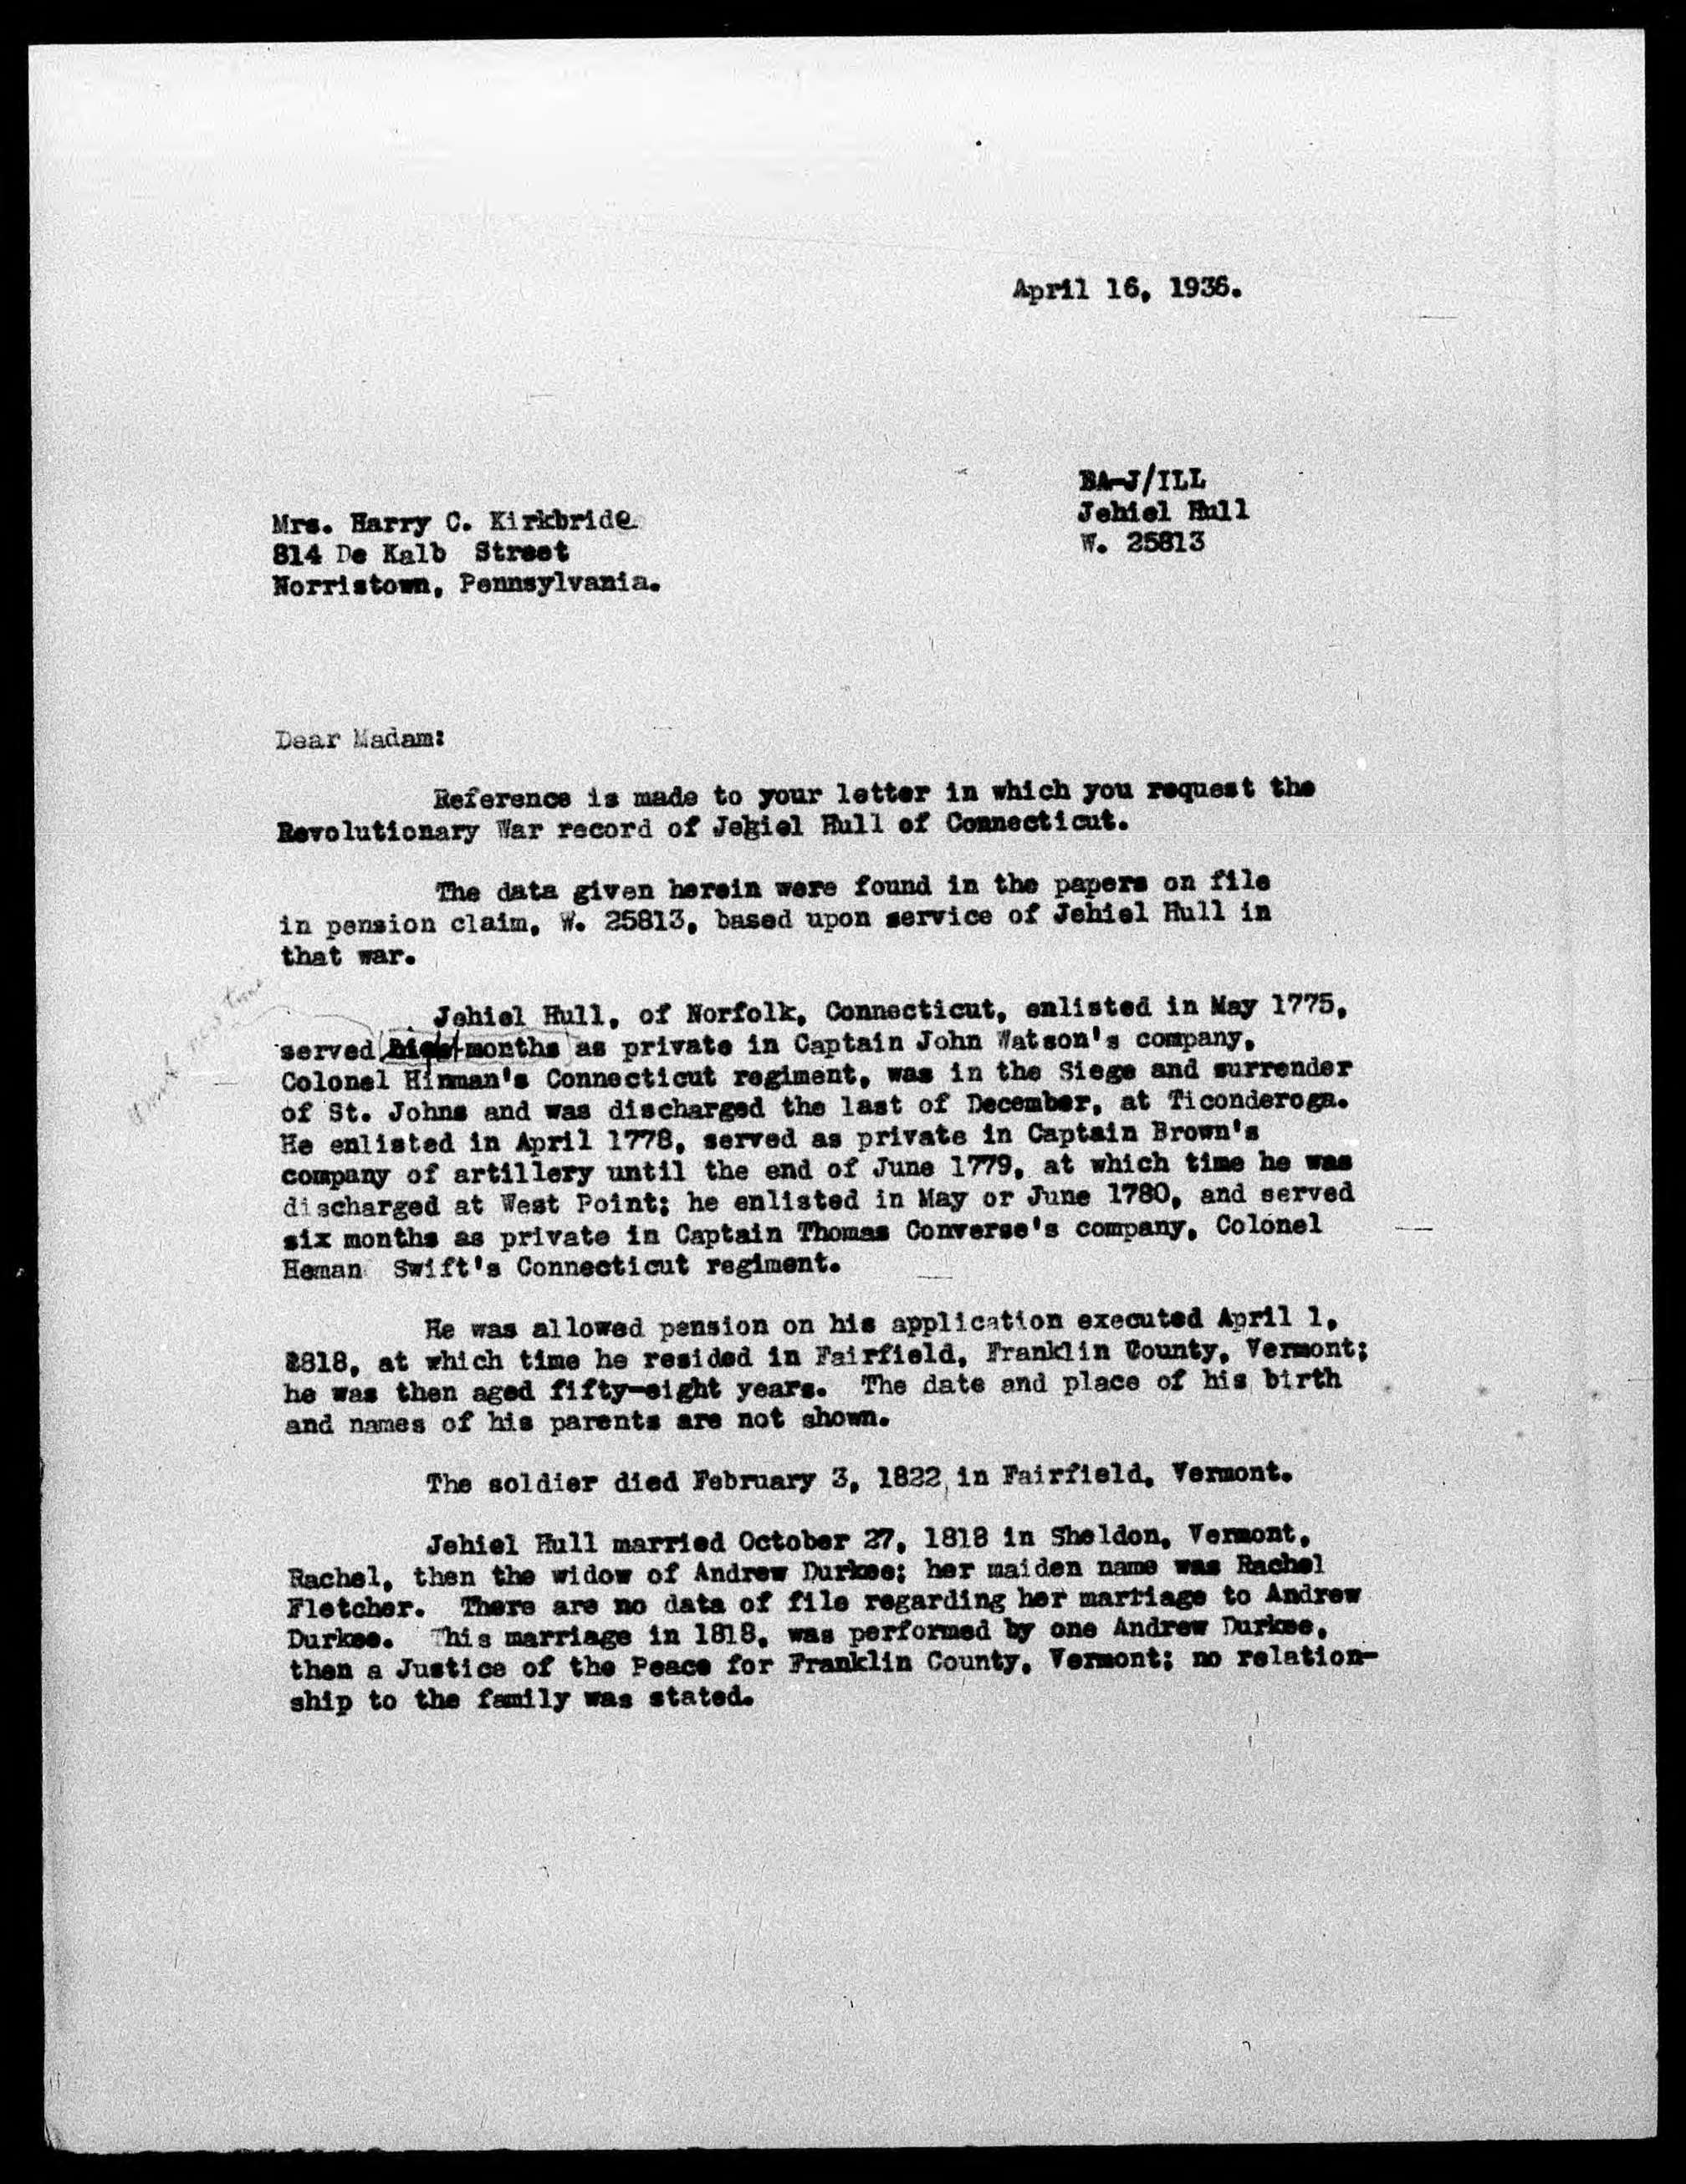April 16, 1935

Mrs. Harry C. Kirkbride
814 DeKalb Street
Norristown, Pennsylvania

Dear Madam:

     Reference is made to your letter in which you request the Revolutionary War record of Jehial Hull of Connecticut.

     The data given herein were found in the papers on file in pension claim, W. 25813, based upon service of Jehiel Hull in that war.

     Jehial Hull, of Norfolk, Connecticut enlisted in May, 1775,  served [    ] months as private in Captain John Watson's Company,   Colonel Hi_man's Connecticut regiment was in the siege and surrender    of St. Johns and was discharged the last of December at Ticonderoga.  He enlisted in April 1778, served as 
private in Captain Brown's company of artillery until the end of  June 1779, at which time he was discharged at West Point; he enlisted in May or June 1780, and served   six months as private in Captain Thomas  Converse's Company, Colonel  H_man Swift's Connecticut regiment.

     He was allowed pension on his application executed April 1,  1818, at which time he resided in   Fairfield, Franklin County, Vermont; he was then aged fifty-eight years.  The date and place of his birth 
and names of his parents are not shown

     The soldier died February 3, 1832 in Fairfield, Vermont.

     Jehiel Hull married October 27, 1818 in Sheldon,  Vermont,  Rachel, then the widow of Andrew  Durkee; her maiden name was Rachel Fletcher.  There are no data of file regarding her marriage to Andrew  Durkee.  This marriage in 1818, was performed by one    Andrew Durkee, then a Justice of the Peace for Franklin County, no relationship to the family was stated.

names: Andrew Durkee, Harry C Kirkbride, Jehiel Hull, Rachel Fletcher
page: 46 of 58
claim: widow's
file: W. 25813, Jehiel Hull, Conn.